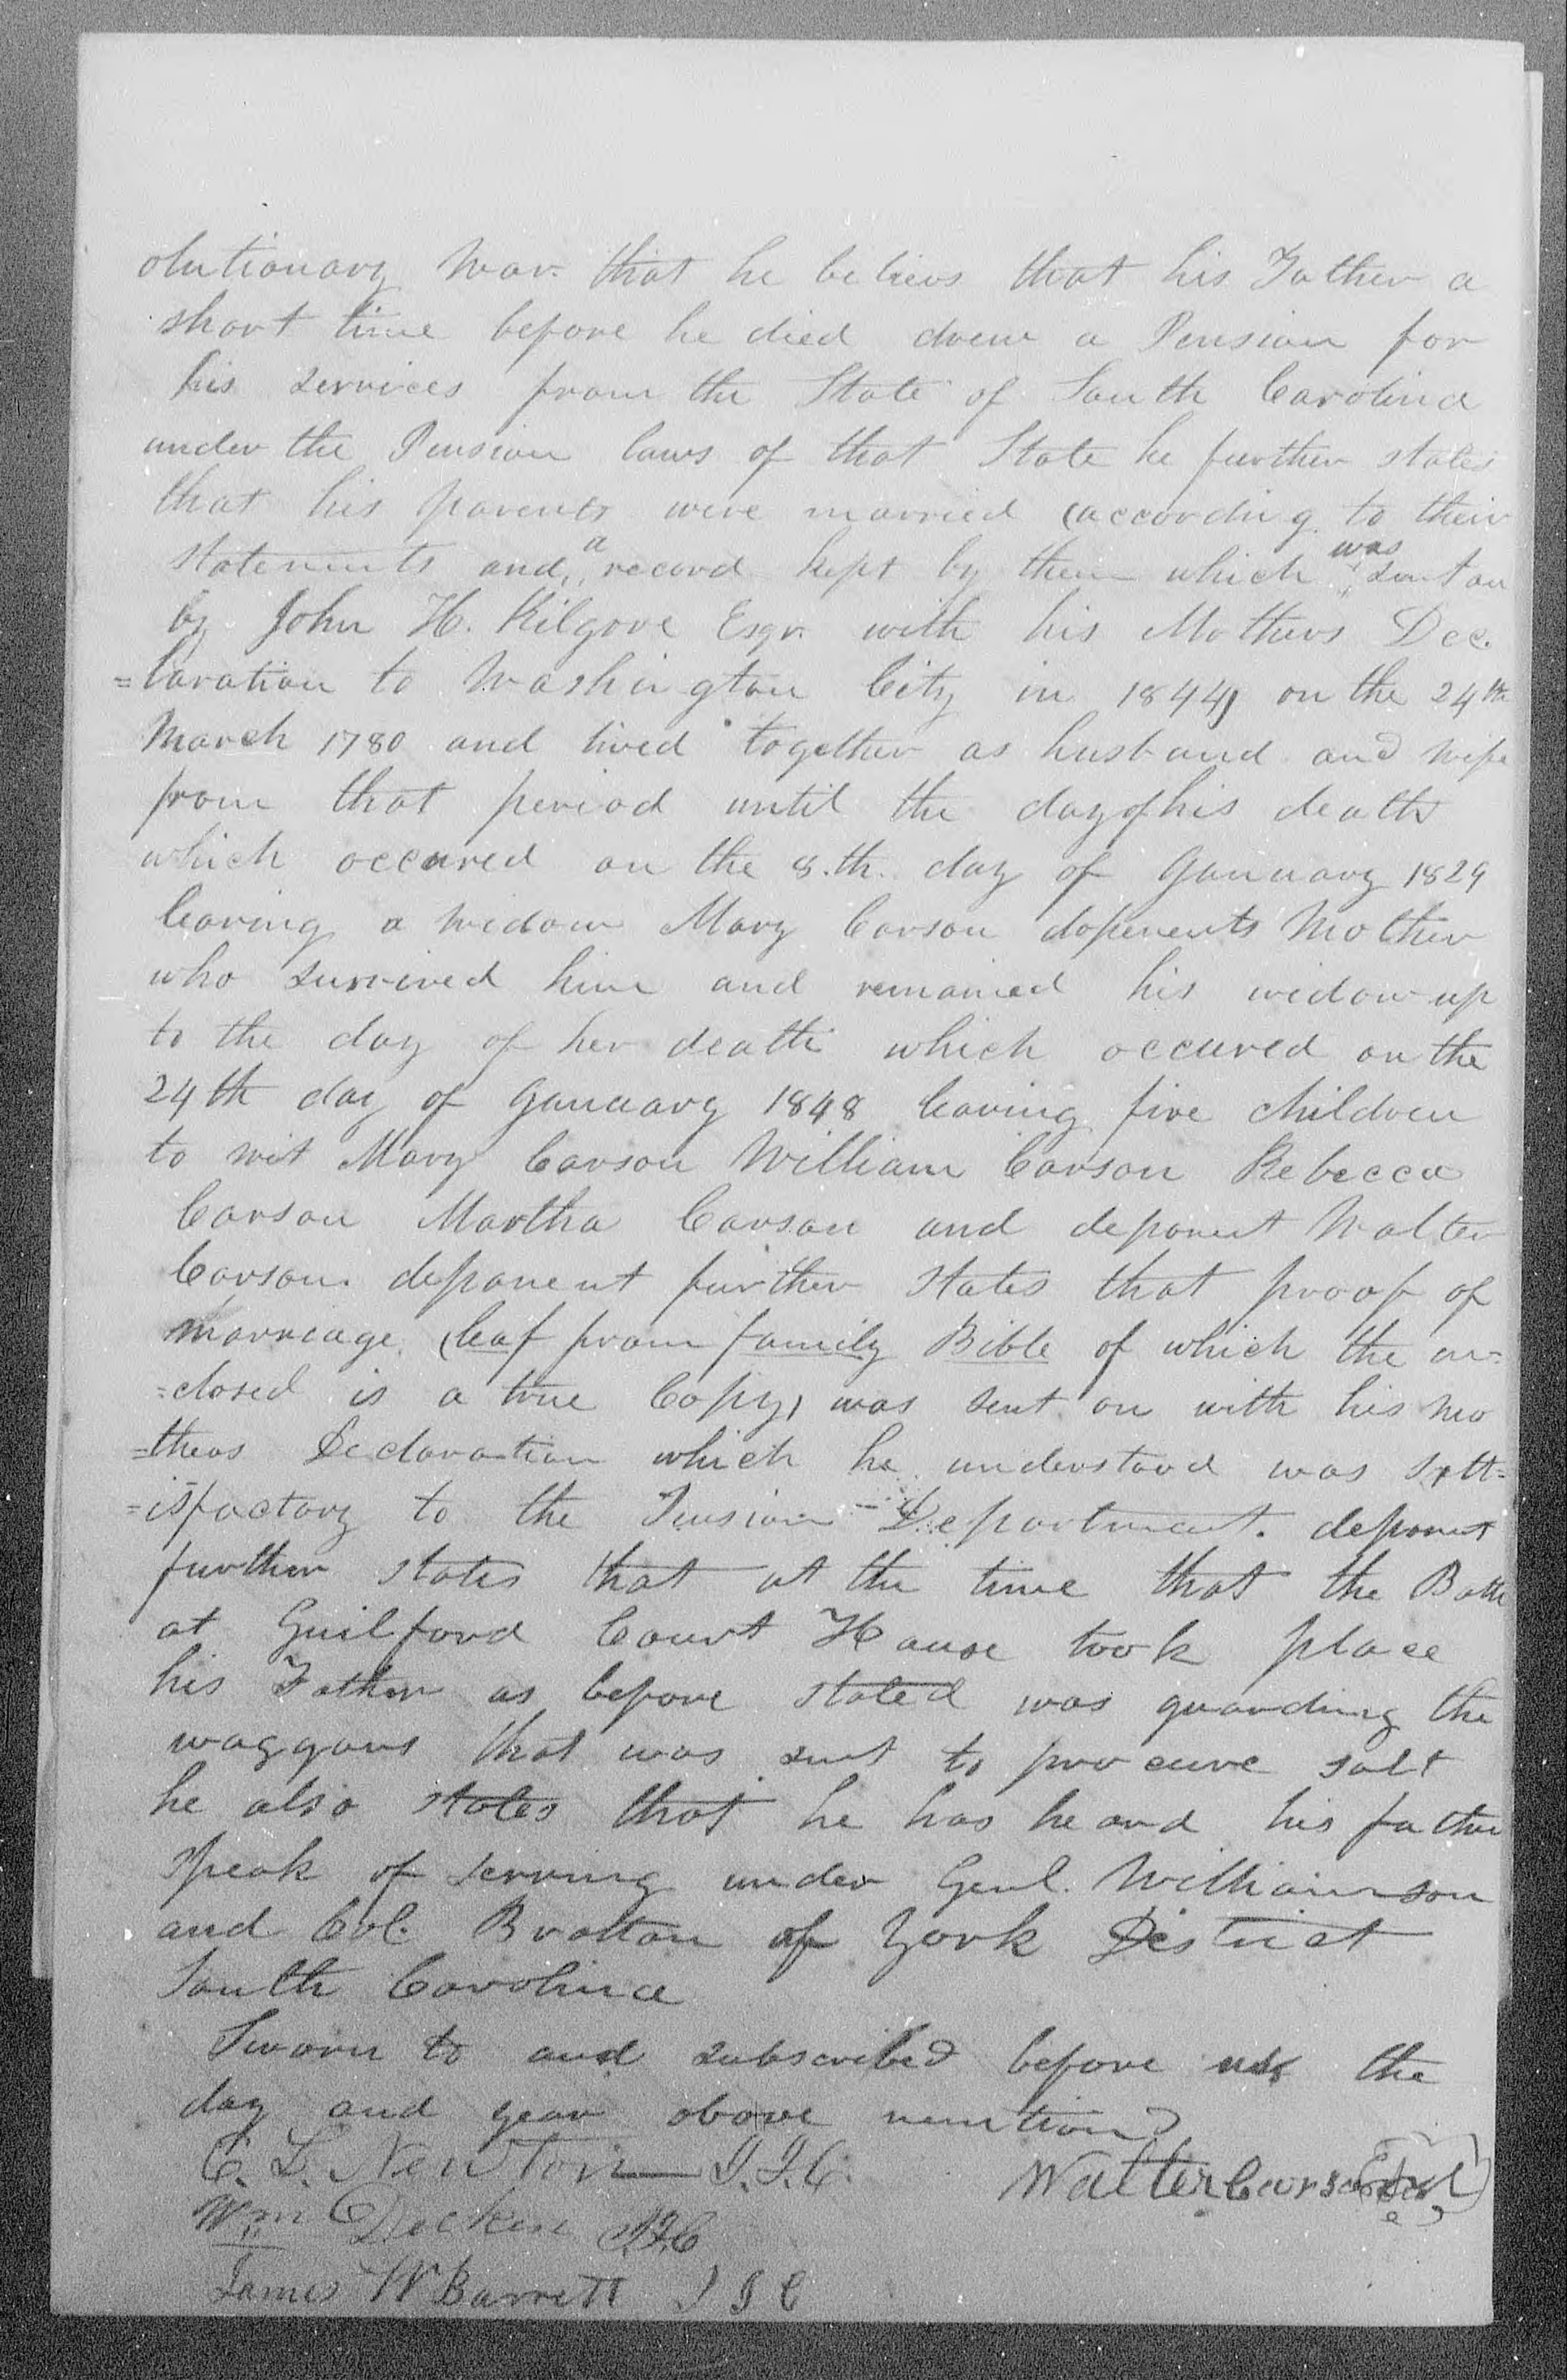[Rev]olutionary War that he believes that his Father a short time before he died drew a Pension for his services from the State of South Carolina under the pension laws of that State he further states that his parents were married (according to their statements and a record kept by them which was sent on by John H Kilgore Esqr. with his Mothers Declaration to Washington City in 1844) on the 24th March 1780 and lived together as husband and wife from that period until the day of his death which occured on the 8th day of January 1829 leaving a widow Mary Carson deponents mother who survived him and remained his widow up to the day of her death which occured on the 24th day of January 1848 having five children to wit Mary Carson William Carson Rebecca Carson Martha Carson and deponent Walter Carson deponent further states that proof of marriage (leaf from family Bible of which the enclosed is a true Copy) was sent on with his mothers Declaration which he understood was satisfactory to the Pension Department, deponent further states that at the time that the Battle at Guilford Court House took place his Father as before stated was guarding the waggons that was sent to procure salt he also states that he has heard his father speak of serving under Genl. Williamson and Col. Bratton of York District South Carolina
Walter Carson (seal)
Sworn to and subscribed before us the day and year above mentioned
E. L. Newton J.I.C.
Wm. Dicken J.I.C
James W Barrett JIC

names: William Carson, James W Barrett, E L Newton, Walter Carson, Walter Carson, Williamson, Mary Carson, Rebecca Carson, Wm Dicken, Brotton, Martha Carson, John H Kilgore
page: 9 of 34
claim: rejected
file: R. 1,738, Walter Carson, N.C. S.C.